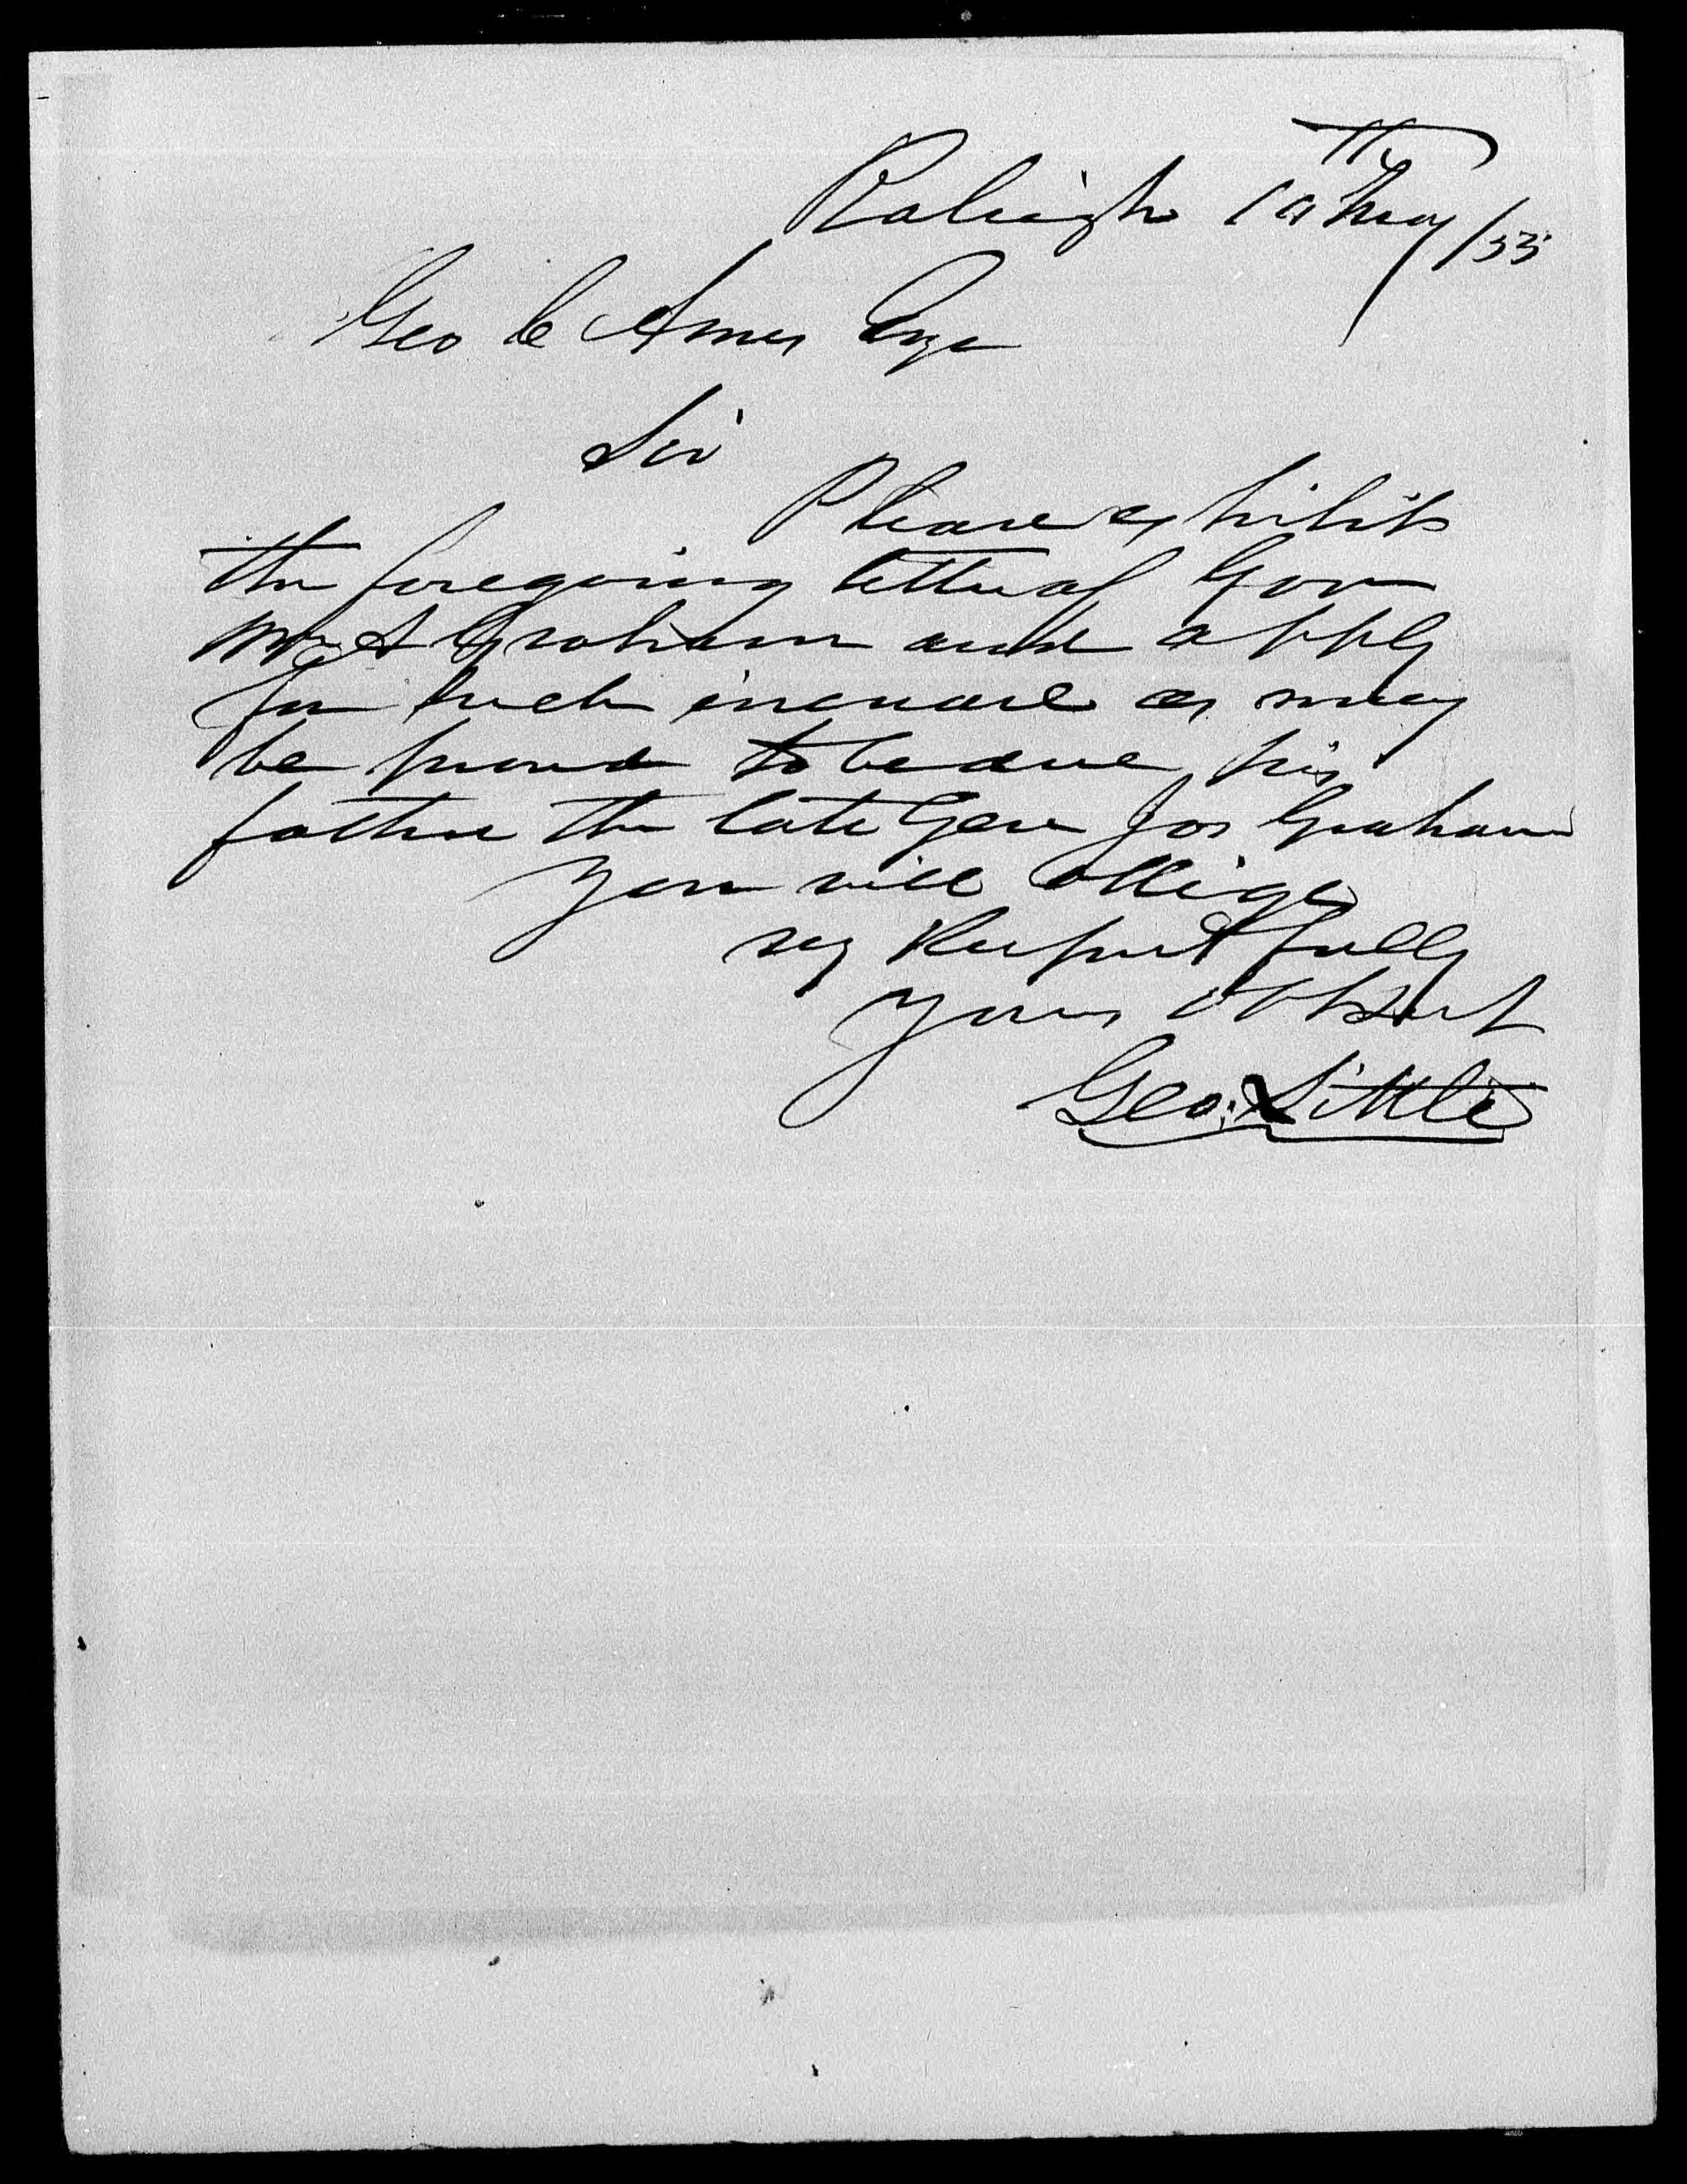Raleigh 19th May/33

Geo. C. Ames, Esqr.

Sir

Please exhibit the foregoig letter of Gov. Sm. A. Graham and apply for such income as may be found to be due his father the late Gen'l Jos. Graham
You will oblige
very Respectfully
your obtl srvt.
Geo Little
[Signature]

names: Jos Graham, Geo C Ames, Wm A Graham, Geo Little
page: 54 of 55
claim: survivor's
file: S. 6,937, Joseph Graham, N.C.